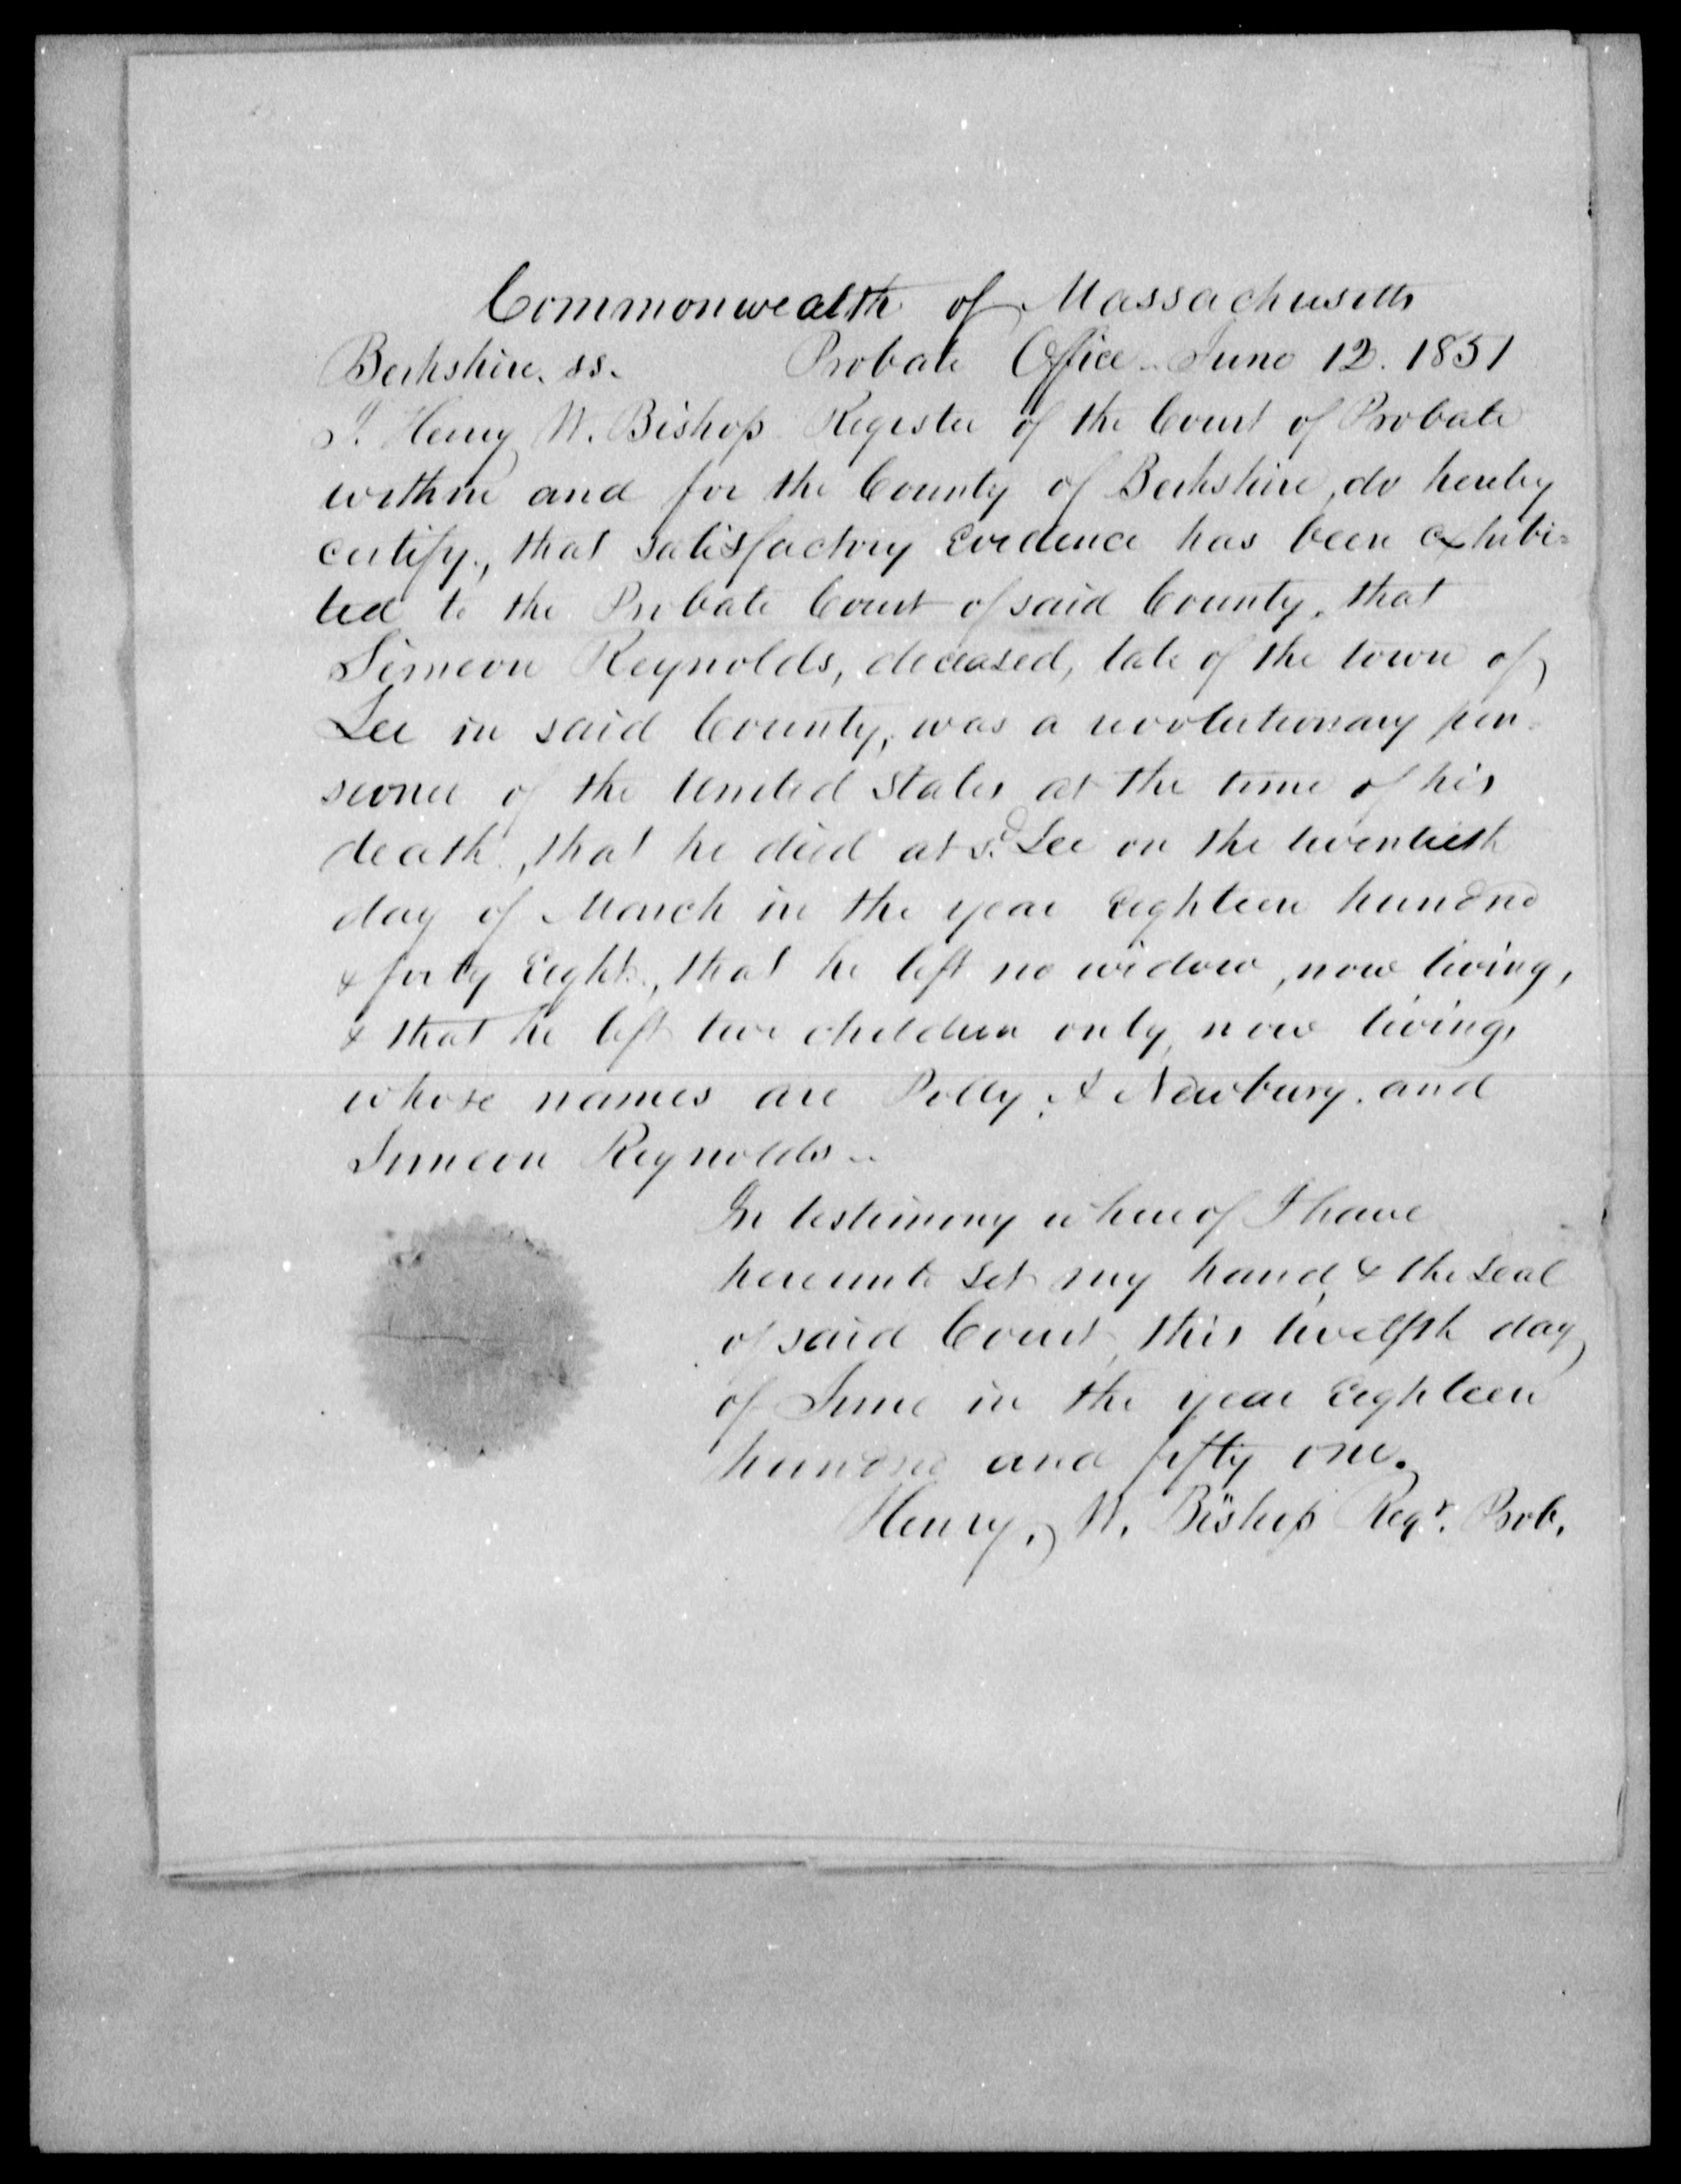Commonwealth of Massachusetts
Berkshire ss. Probate Office June 12, 1851

I Henry W Bishop Register of the Court of Probate within and for the County of Berkshire, do hereby certify, that satisfactory evidence has been exhibited to the Probate Court of said County, that Simeon Reynolds, deceased, late of the town of Lee in said County, was a revolutionary pensioner of the United States, at the time of his death, that he died at sd Lee on the twentieth day of March in the year eighteen hundred & forty eight, that he left no widow, now living, that he left two children only now living, whose names are Polly A Newbury and Simeon Reynolds.

In testimony whereof I have hereunto set my hand & the seal of said Court, this twelfth day of June in the year eighteen hundred and fifty one.

Henry W Bishop Reg. Prob.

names: Polly A Newbury; Simeon Reynolds; Simeon Reynolds; Henry W Bishop; Henry W Bishop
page: 18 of 20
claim: survivor's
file: S. 41,094, for Simeon Reynolds, Connecticut